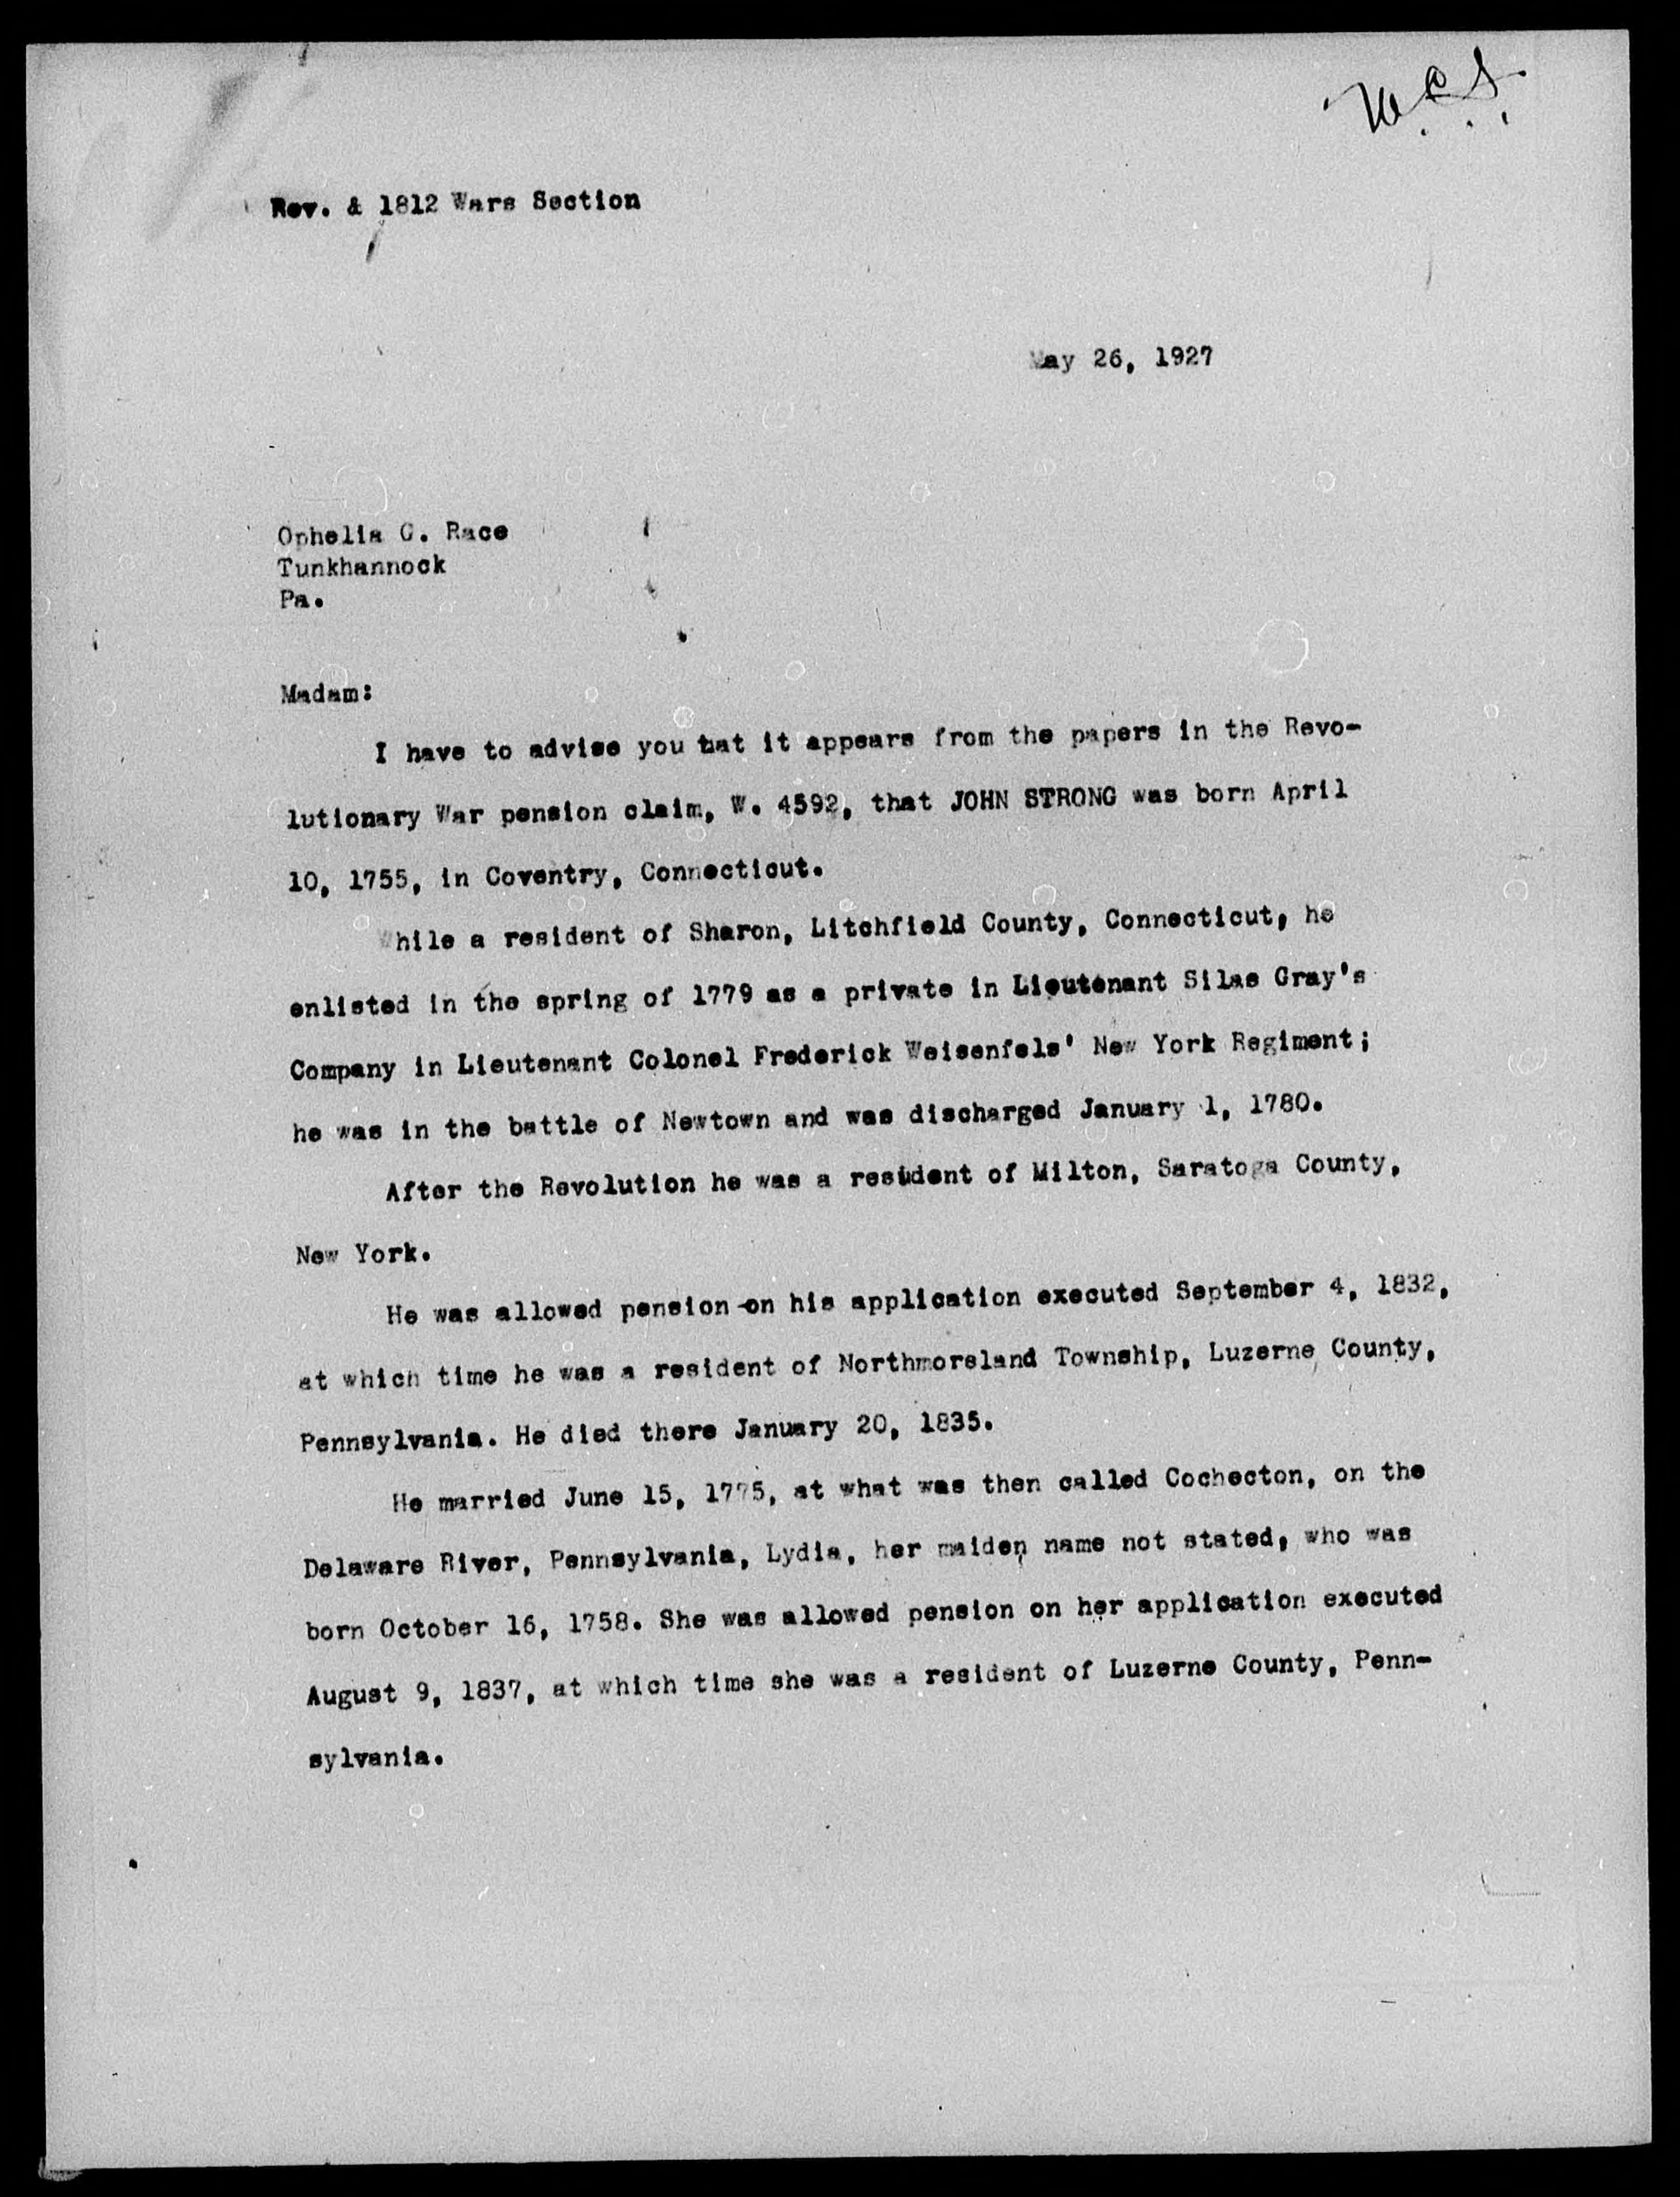Rev. & 1812 Wars Section

May 26, 1927

Ophelia G. Race
Tunkhannock
Pa. 

Madam:
I have to advise you that it appears from the papers in the Revolutionary War pension claim, W. 4592, that John Strong was born April 10, 1755, in Coventry, Connecticut. 

While a resident of Sharon, Litchfield County, Connecticut, he enlisted in the spring of 1779 as a private in Lieutenant Silas Gray's Company in Lieutenant Colonel Frederick Weisenfels' New York Regiment; he was in the battle of Newton and was discharged January 1, 1780.  

After the Revolution he was a resident of Milton, Saratoga County, New York.  

He was allowed pension on his application executed September 4, 1832, at which time he was a resident of Northmoreland Township, Luzerne County, Pennsylvania.  He died there January 20, 1835.  

He married June 15, 1775, at what was then called Cochecton, on the Delaware River, Pennsylvania, Lydia, her maiden name not stated, who was born October 16, 1758.  She was allowed pension on her application executed August 9, 1837, at which time she was a resident of Luzerne County, Pennsylvania.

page: 18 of 33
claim: widow's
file: W. 4592, for John Strong, New York